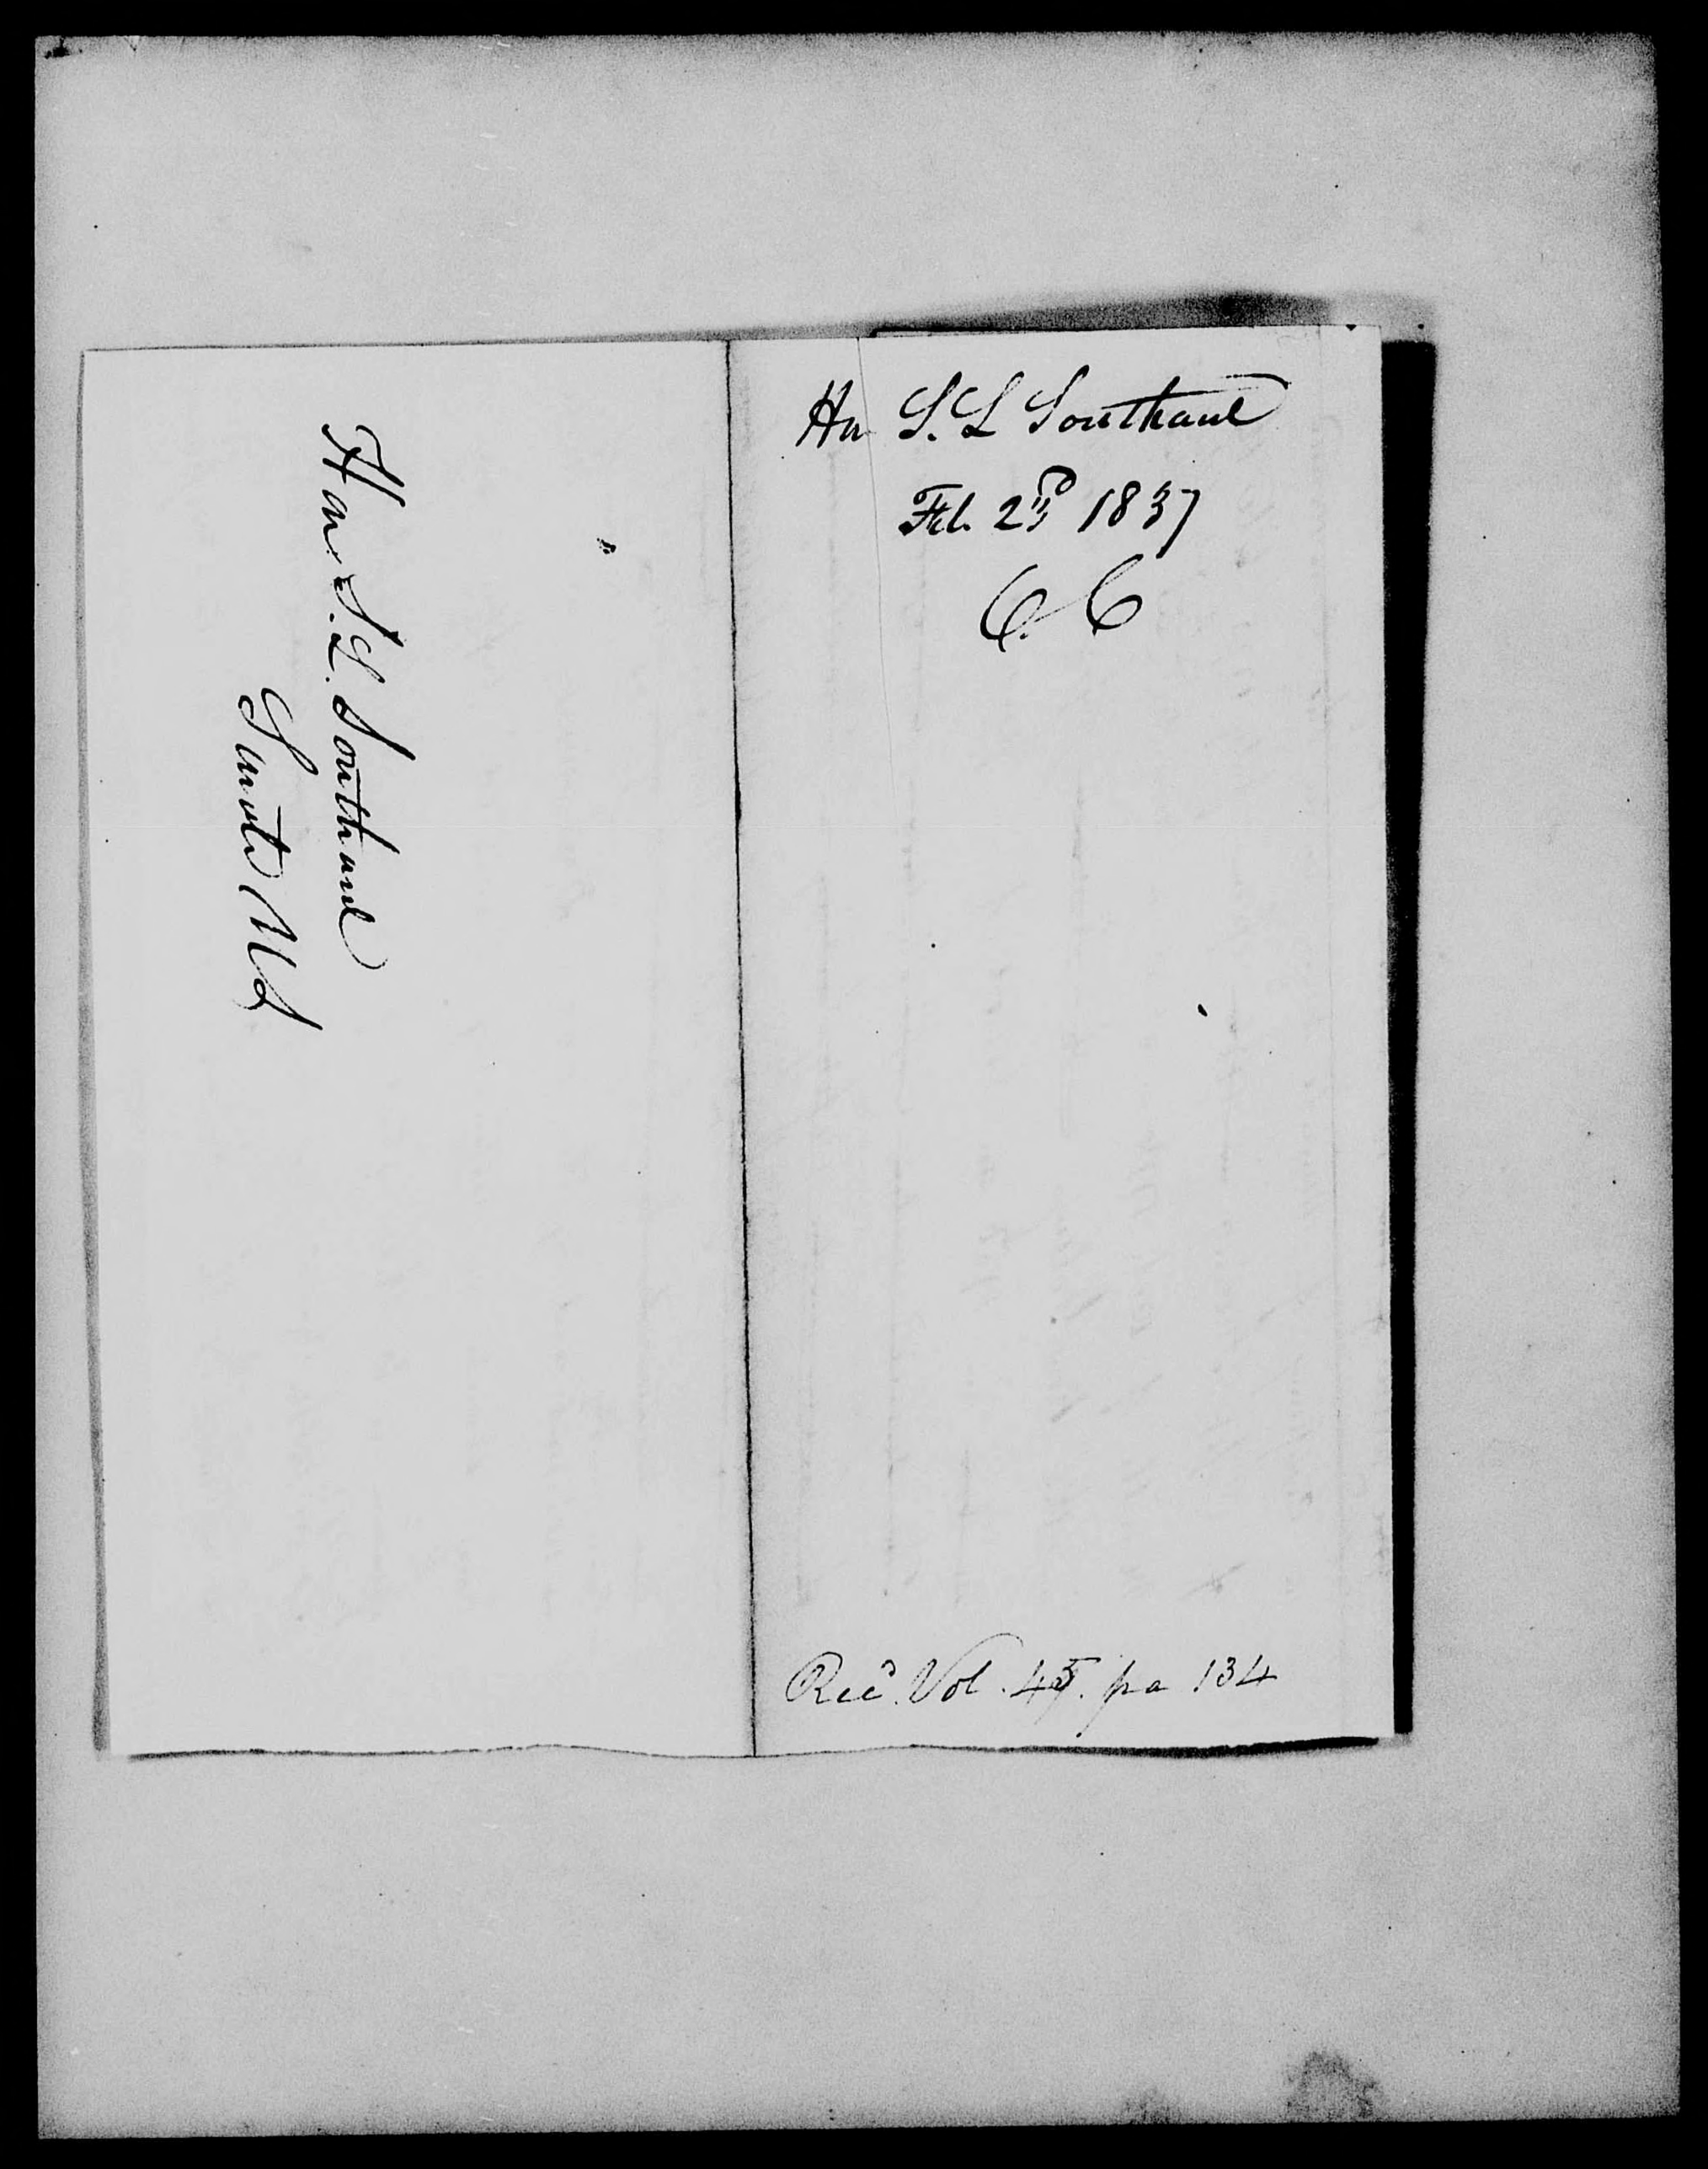[Left hand side]
Hon. J. L. Southard
[Illegible] US

Hon J. L Southard
Feb 23d 1837
C. C

Recd. Vol. 45. Pa 134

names: S L Southard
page: 24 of 39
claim: rejected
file: R. 6154, for James Laning, New Jersey